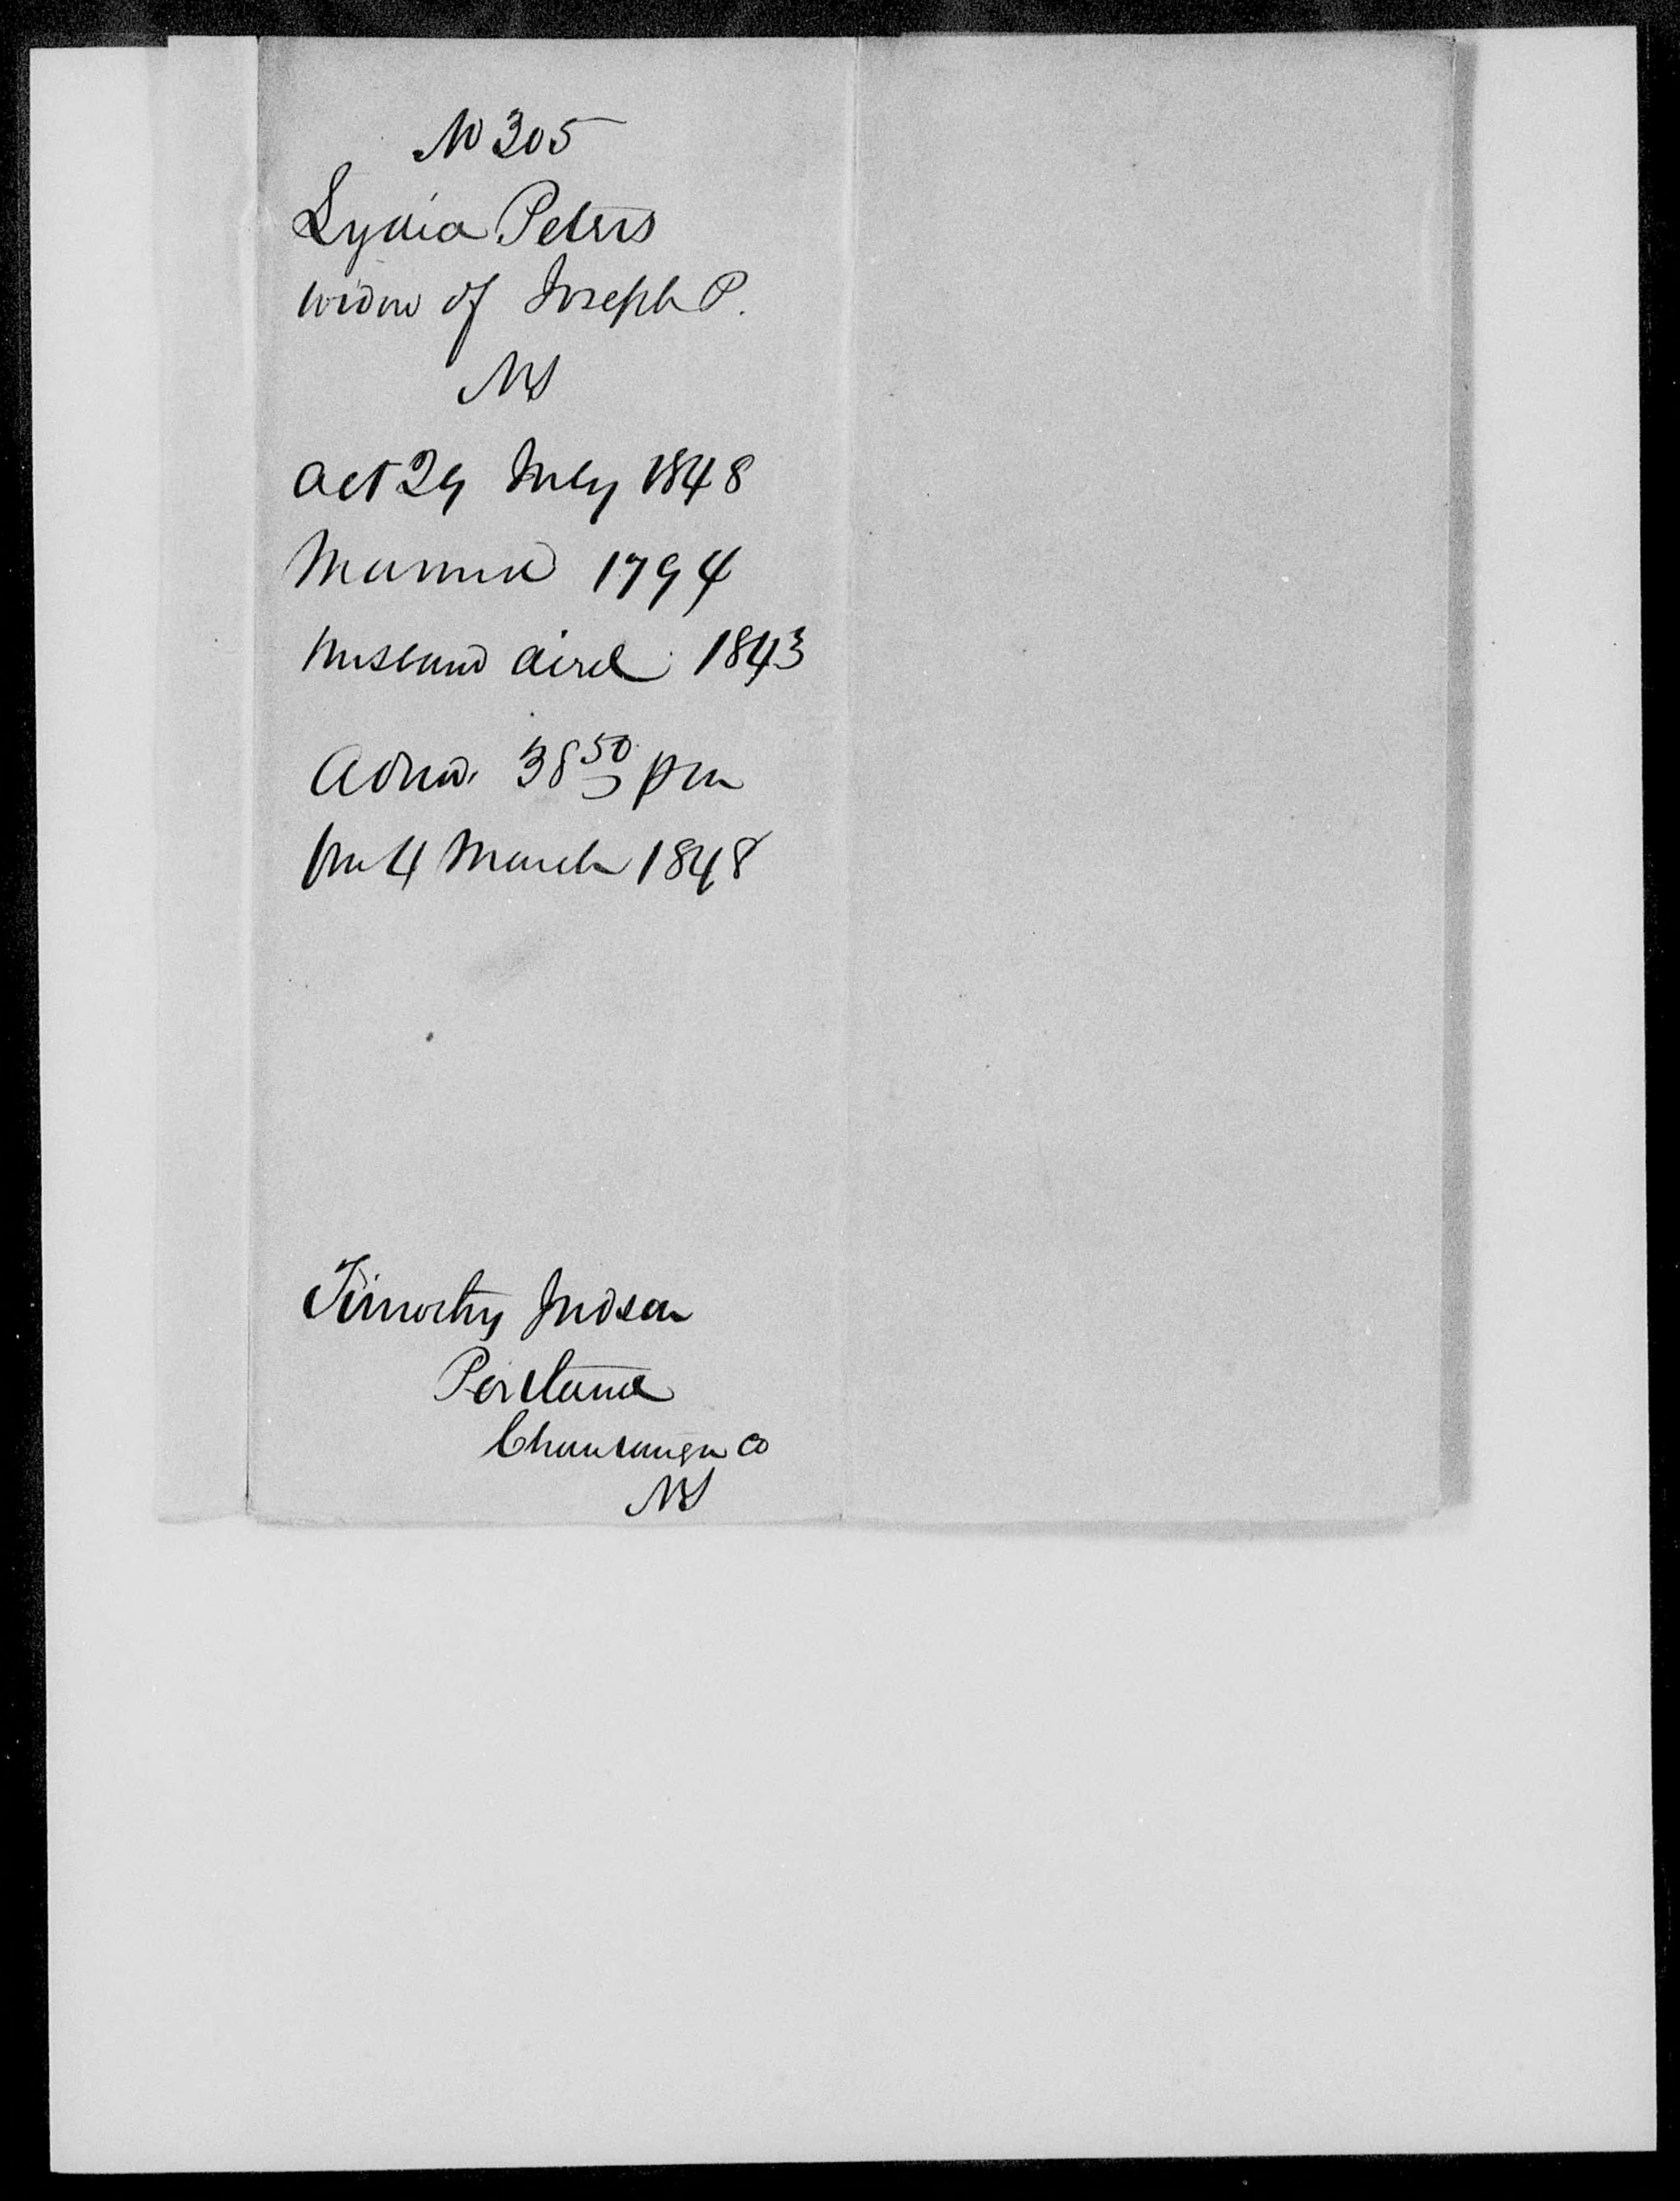No 305 
Lydia Peters 
widow of Joseph P. 
NY 
Act 29 July 1848 
Married 1794 
husband died 1843 
Admd  38.50 per an 
From 4 March 1848 
Timothy Judson Portland Chautauqua Co. NY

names: Joseph P Peters; Timothy Judson; Lydia Peters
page: 42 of 73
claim: widow's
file: W. 2338, for Joseph P Peters, Connecticut